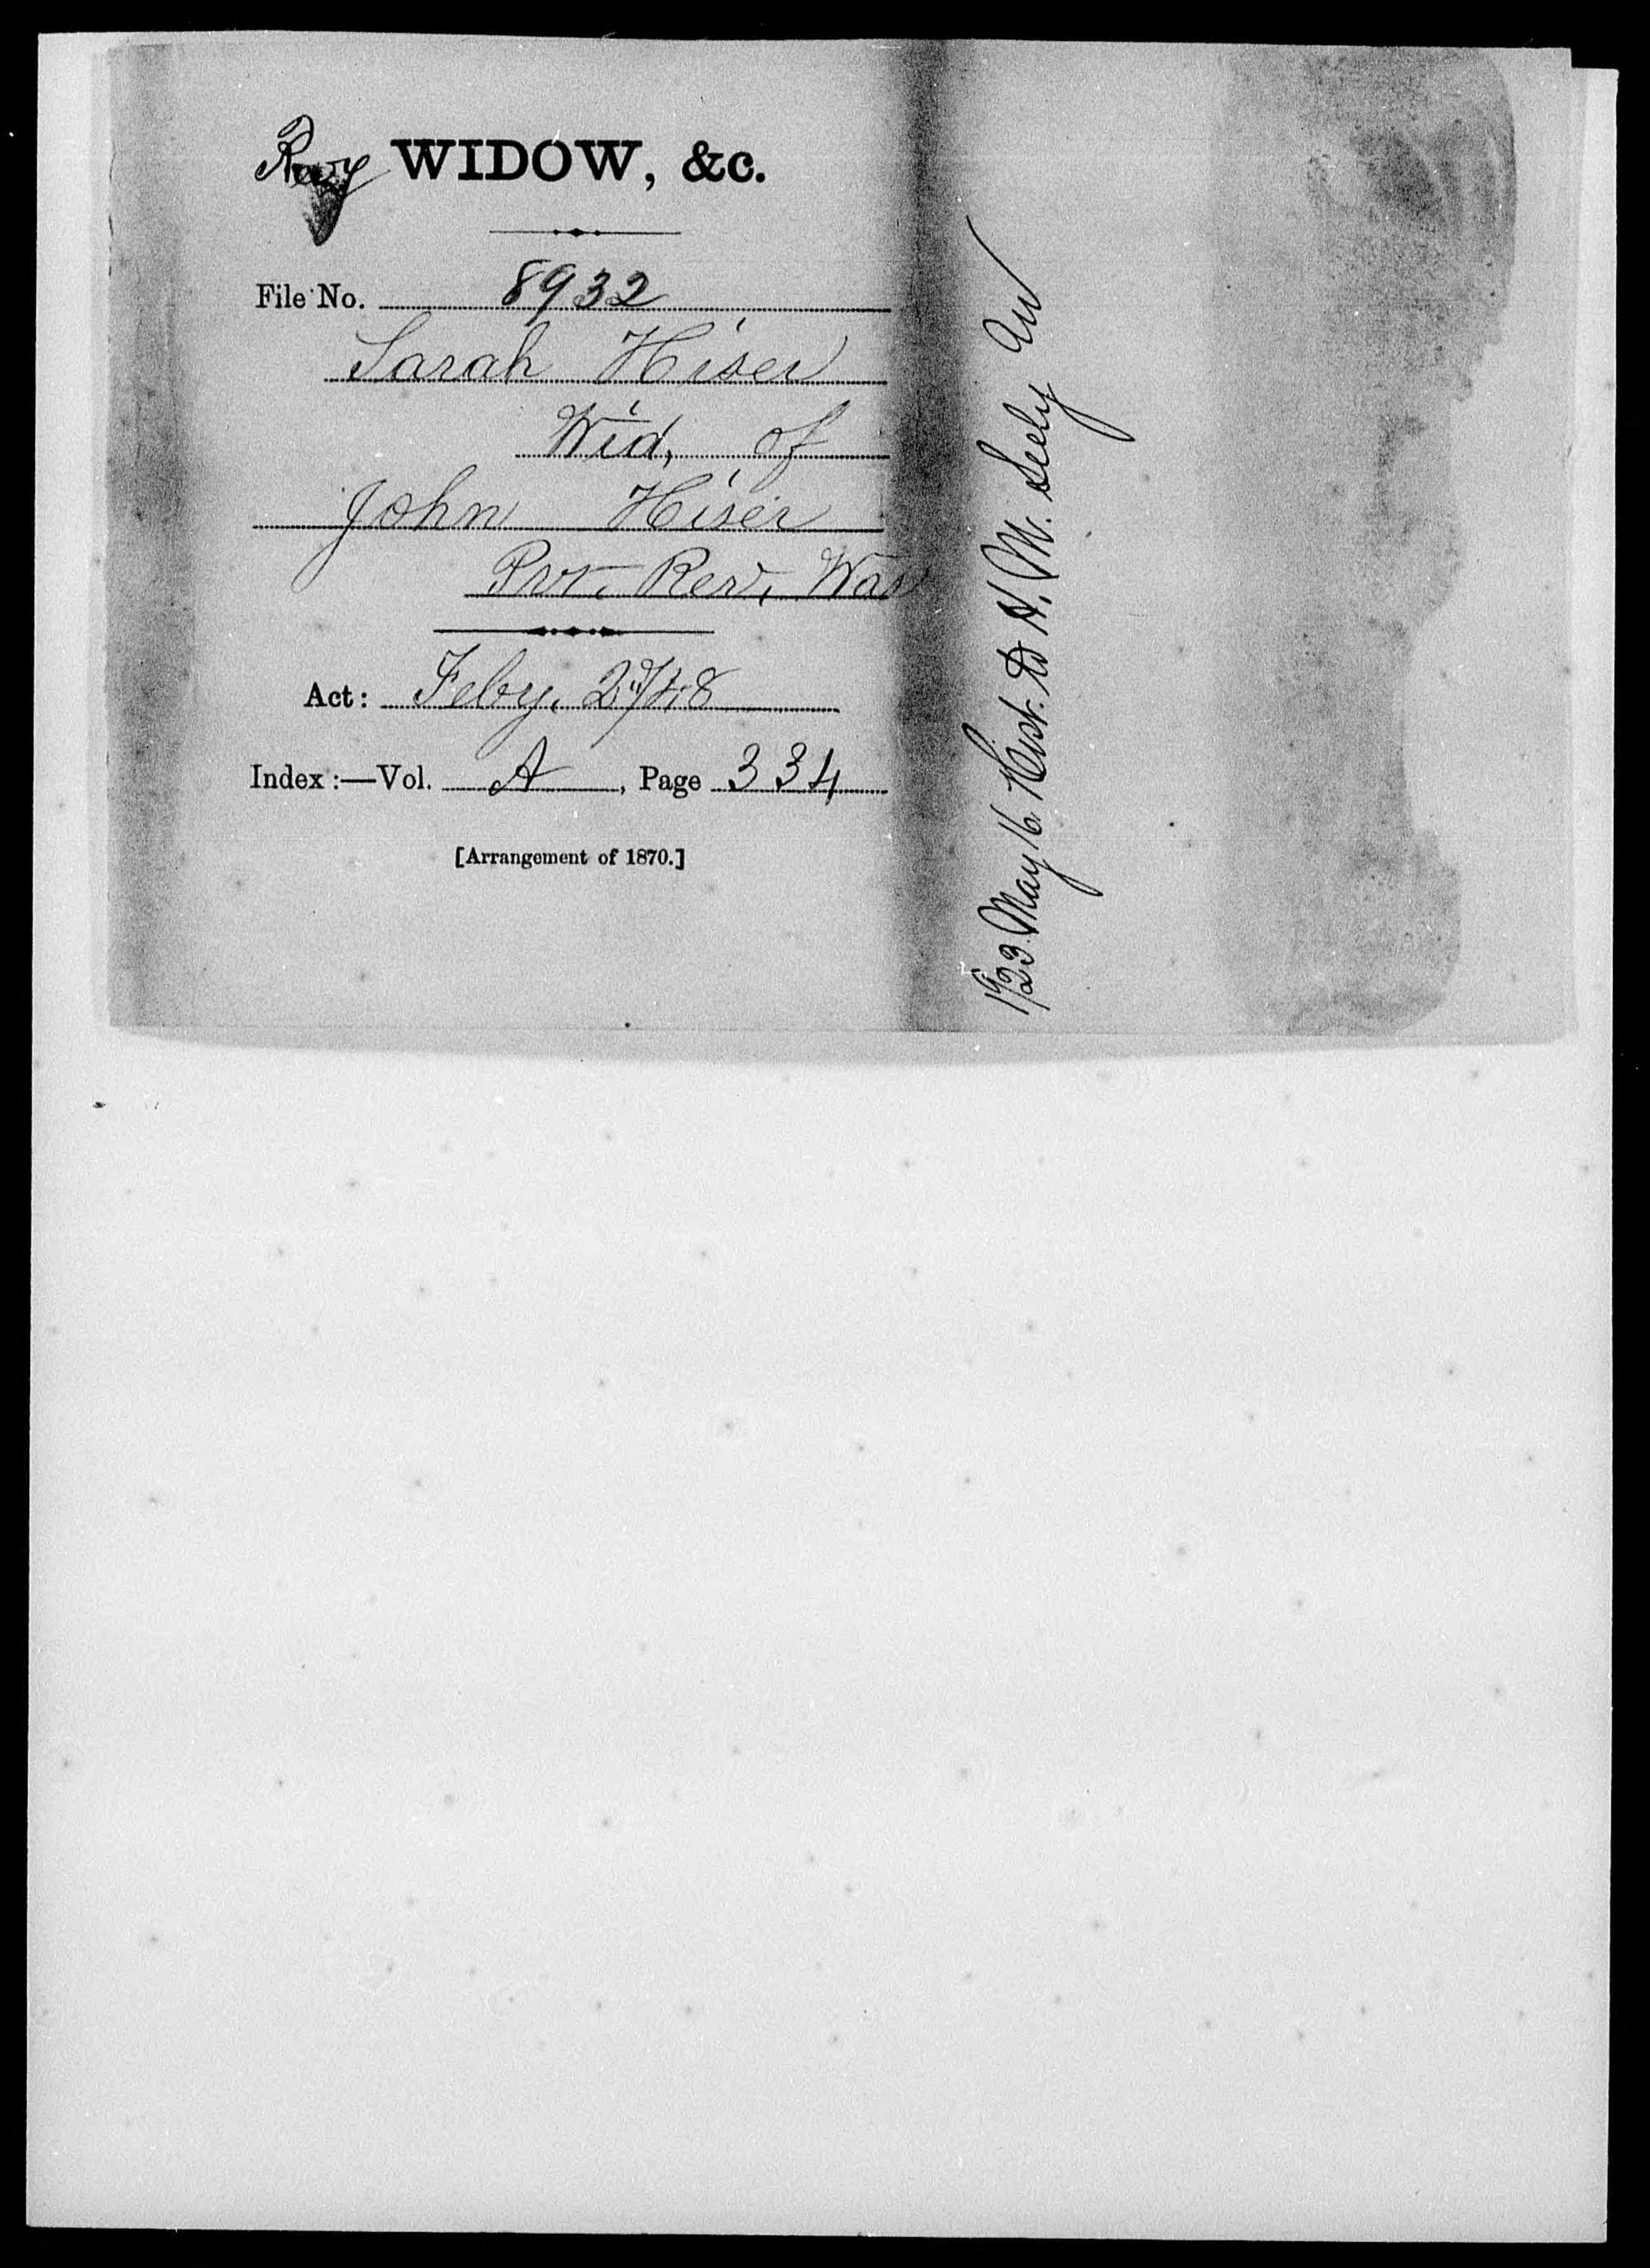Revy WIDOW, &c.
_________
File No. 8932
Sarah Hiser
Wid of 
John Hiser 
Pr. Rev. War
__________
Act: Feby 2/48
Index: -- Vol. A, Page 334
[Arrangement of 1870.]

1923 May16 Hist. to H. M. Seely AW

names: Sarah Hiser, H M Seely, John Hiser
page: 44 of 58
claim: widow's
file: W. 8932, John Hiser, Penn.